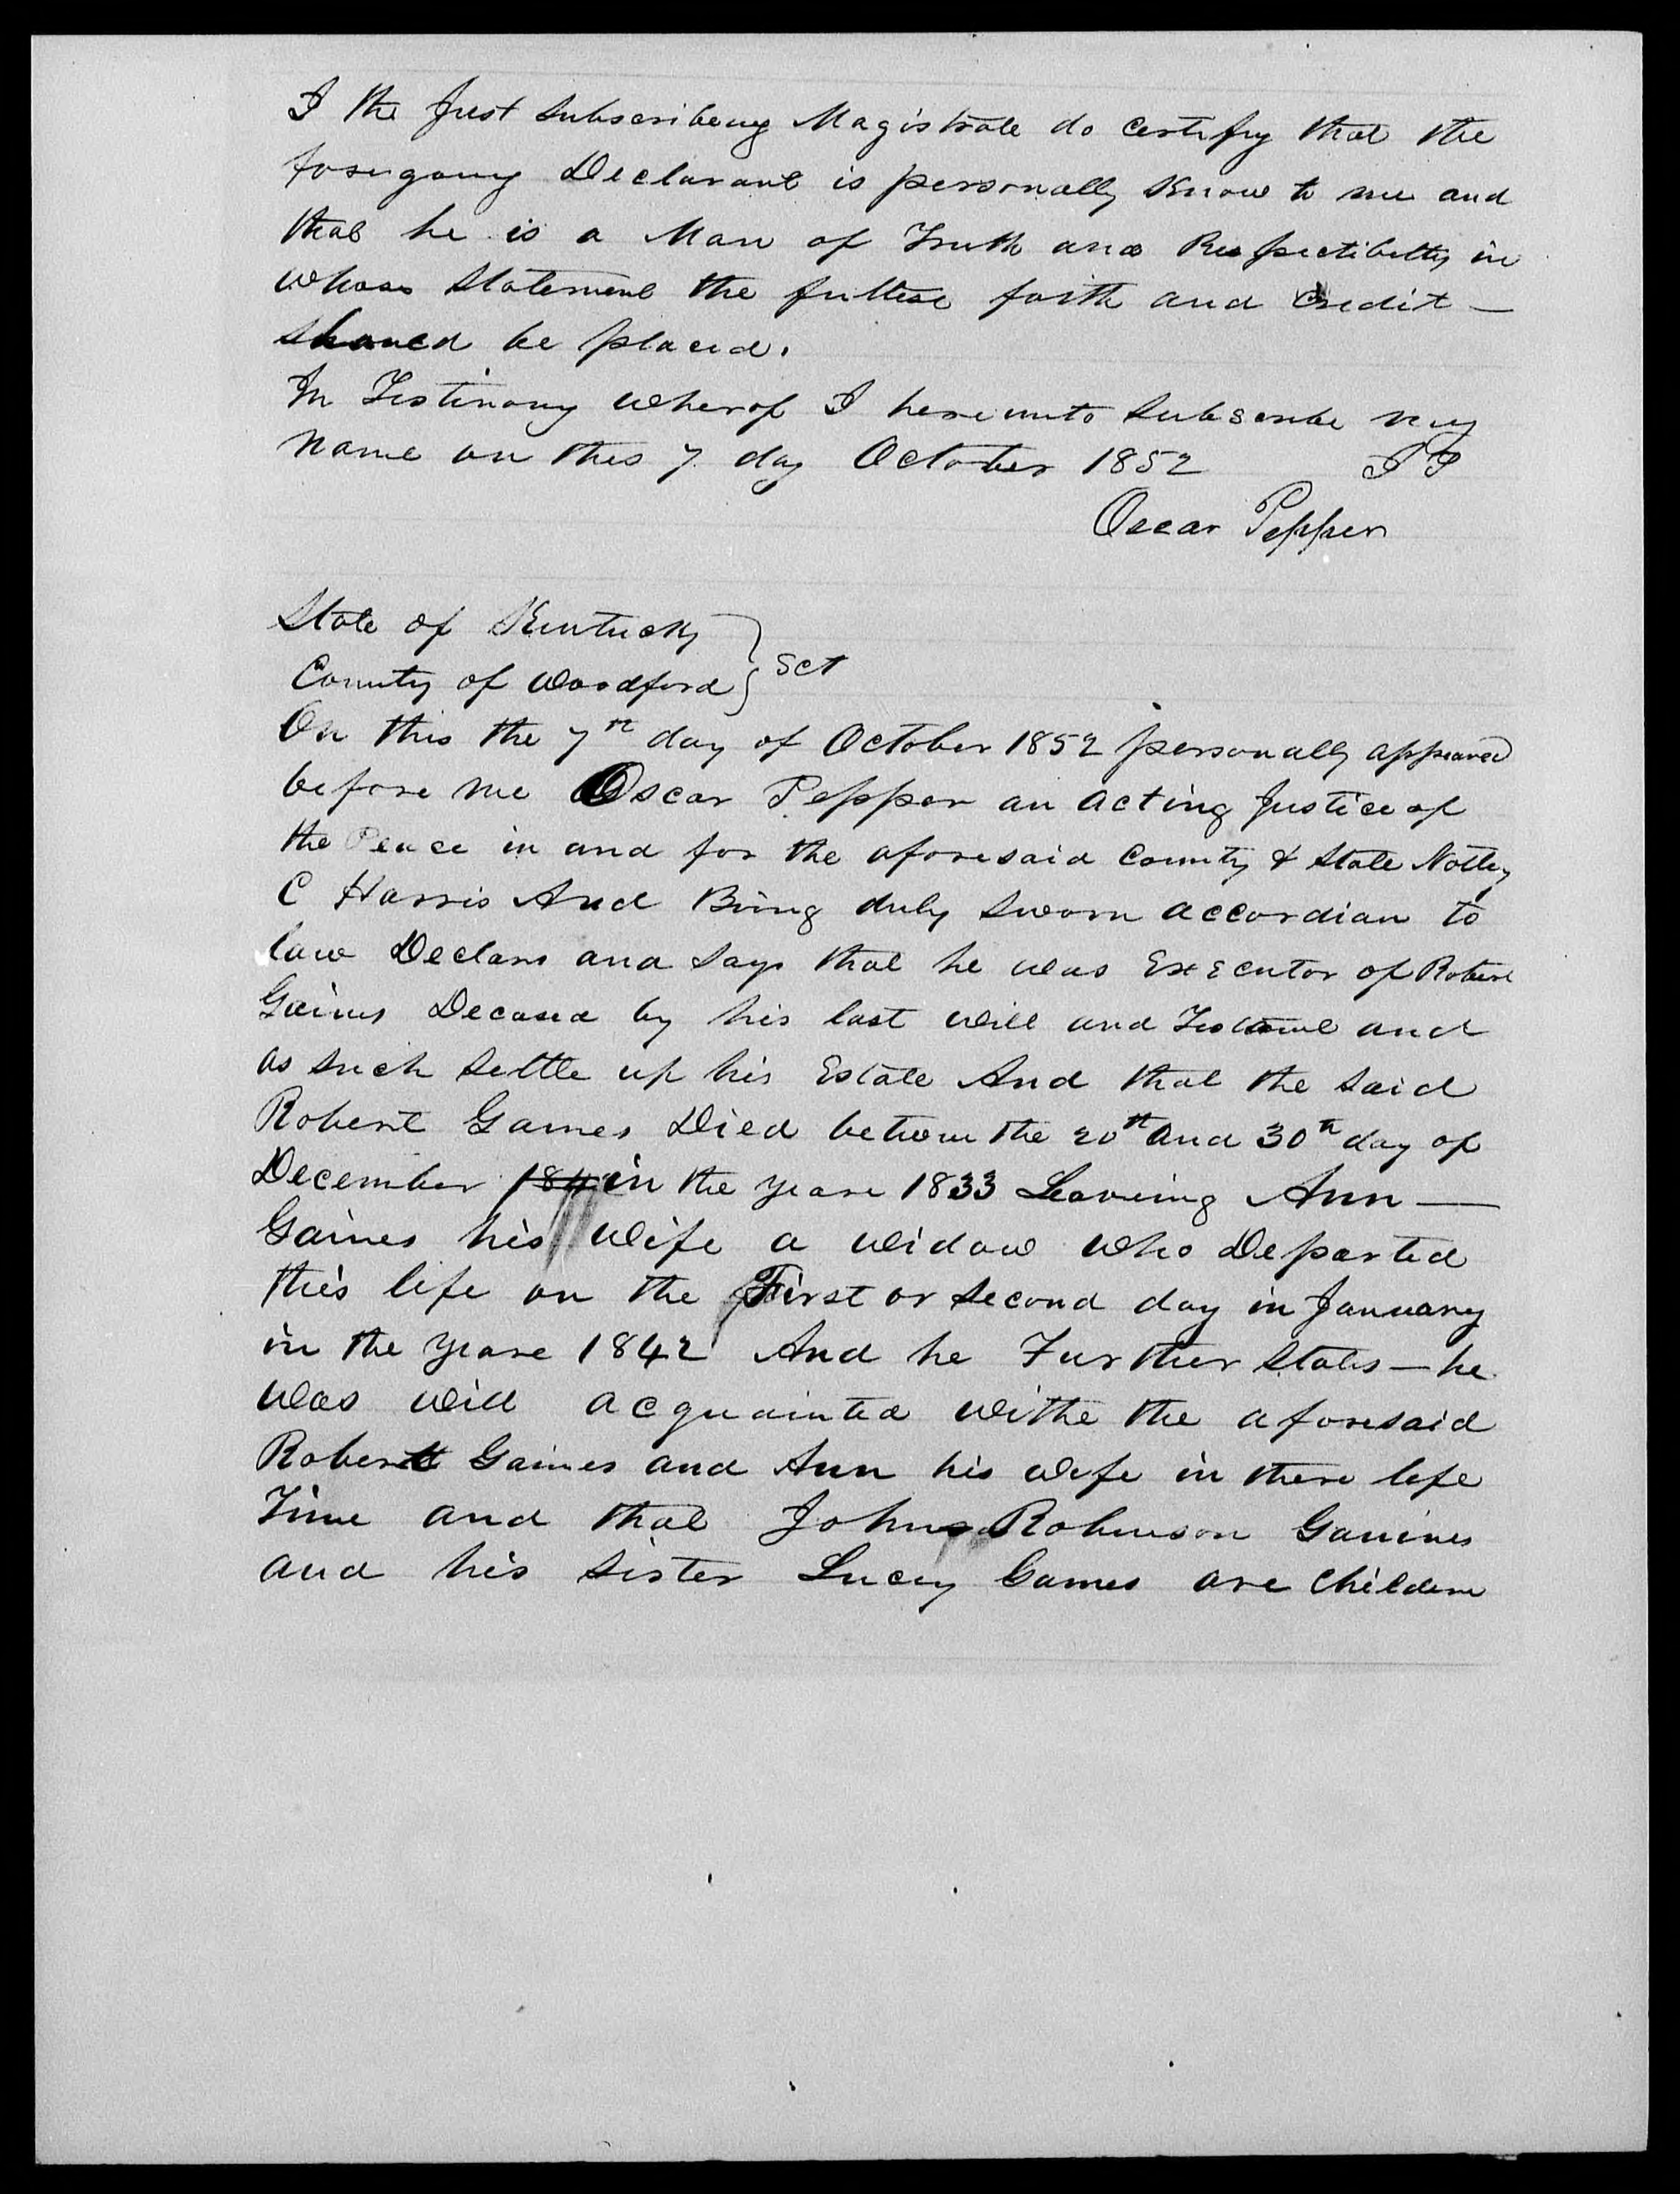I the first subscribing magistrate do certify that the
foregoing Declarant is personally known to me and
that he is a man of truth and respectibilty in
whose statement the fullest faith and credit -
should be placed,
In Testimony whereof I hereunto subscribe my
name on this 7 day October 1852 J G
Oscar Pepper
State of Kentucky
County of Woodford Sct
On this the 7th day of October 1852 personally appeared
before me Oscar Pepper an acting Justice of
the Peace in and for the aforesaid County & State Notley
C Harris And being duly sworn according to
law declares and says that he was executor of Robert
Gaines Deceased by his last will and Testament and
as such settle up his Estate And that the said
Robert Gaines Died between the 20th and 30th day of
December [crossed out] 184 [/crossed out] in the year 1833 leaving Ann -
Gaines his wife a widow who departed
this life on the First or Second day in January
in the year 1842 And he further states he
was will acquainted withe the aforesaid
Robert Gaines and Ann his wife in there life
time and that John Robinson Gaines
and his sister Lucy Gaines are children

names: Notley C Harris, Oscar Pepper, Robert Gaines, Robert Gaines, Lucey Gaines, Ann, John Robinson Gaines, Robert Gaines, Ann Gaines, Oscar Pepper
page: 13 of 79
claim: rejected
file: R. 3863, Robert Gaines, Va.